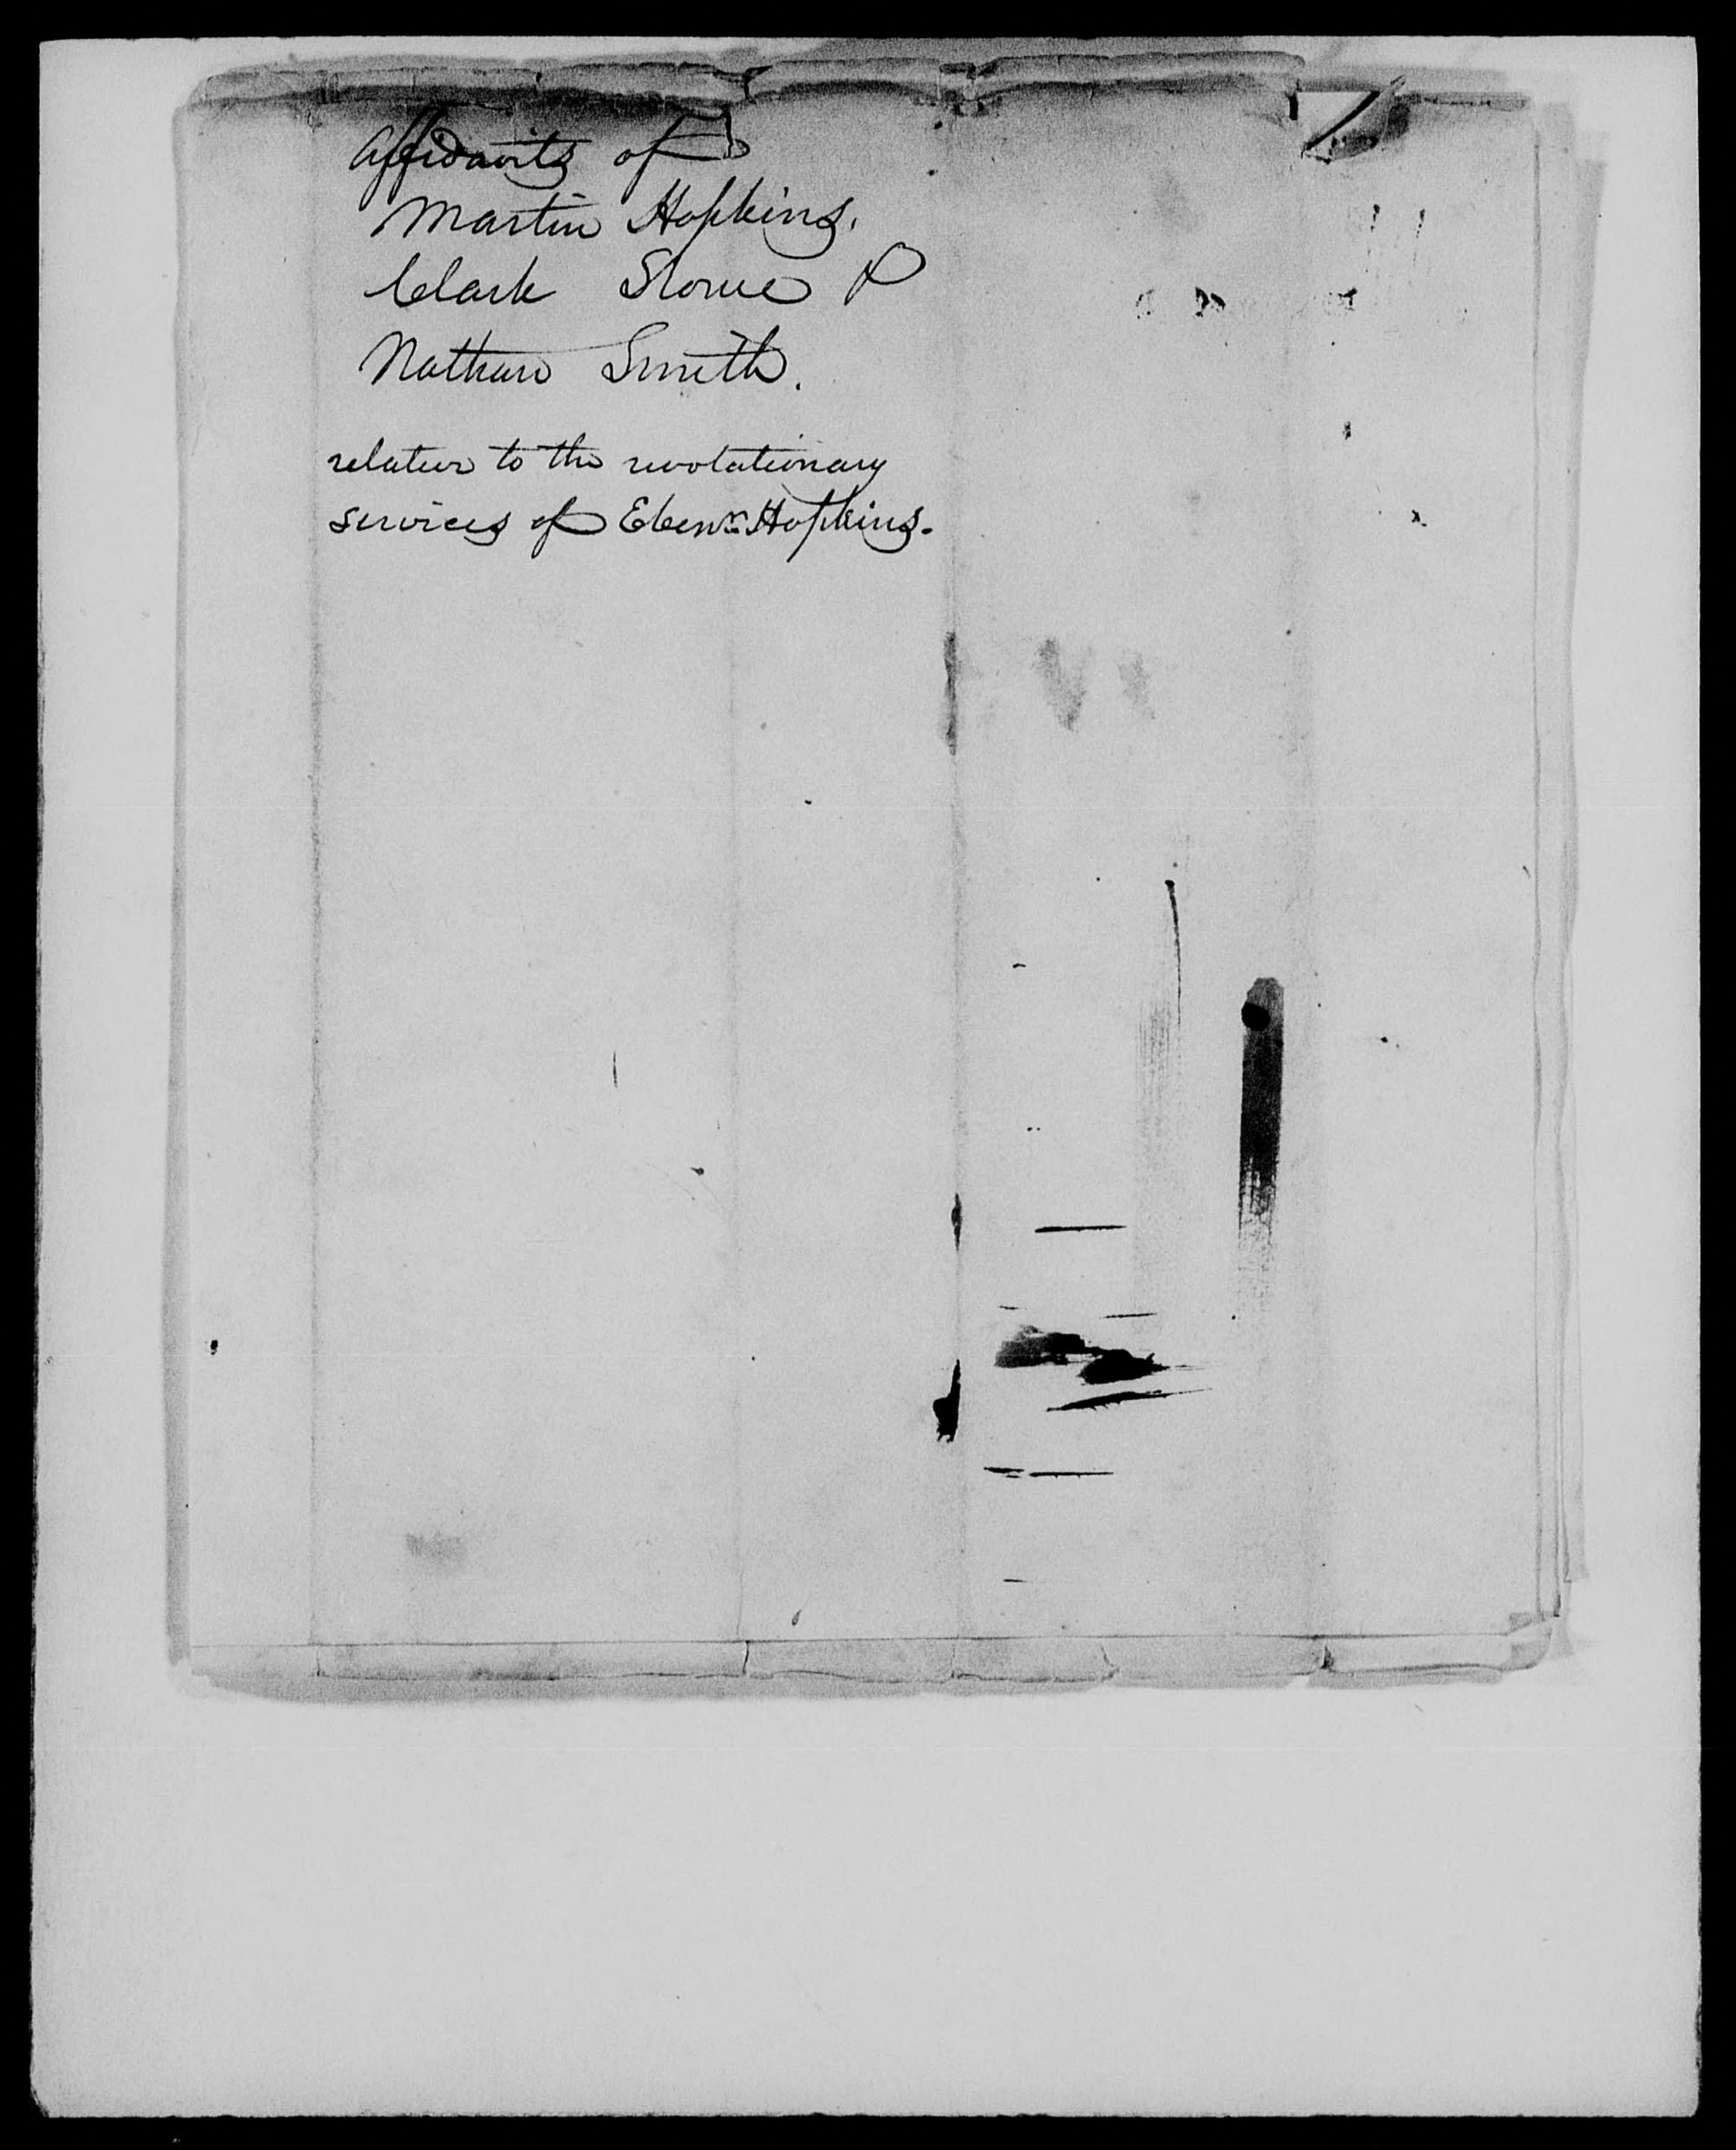Affidavit of
Martin Hopkins,
Clark Stowe &
Nathan Smith
relative to the revolutionary
service of Ebenr Hopkins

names: Martin Hopkins, Nathan Smith, Clark Stowe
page: 108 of 144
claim: rejected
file: R. 5208, Dennis Hopkins, N.C.